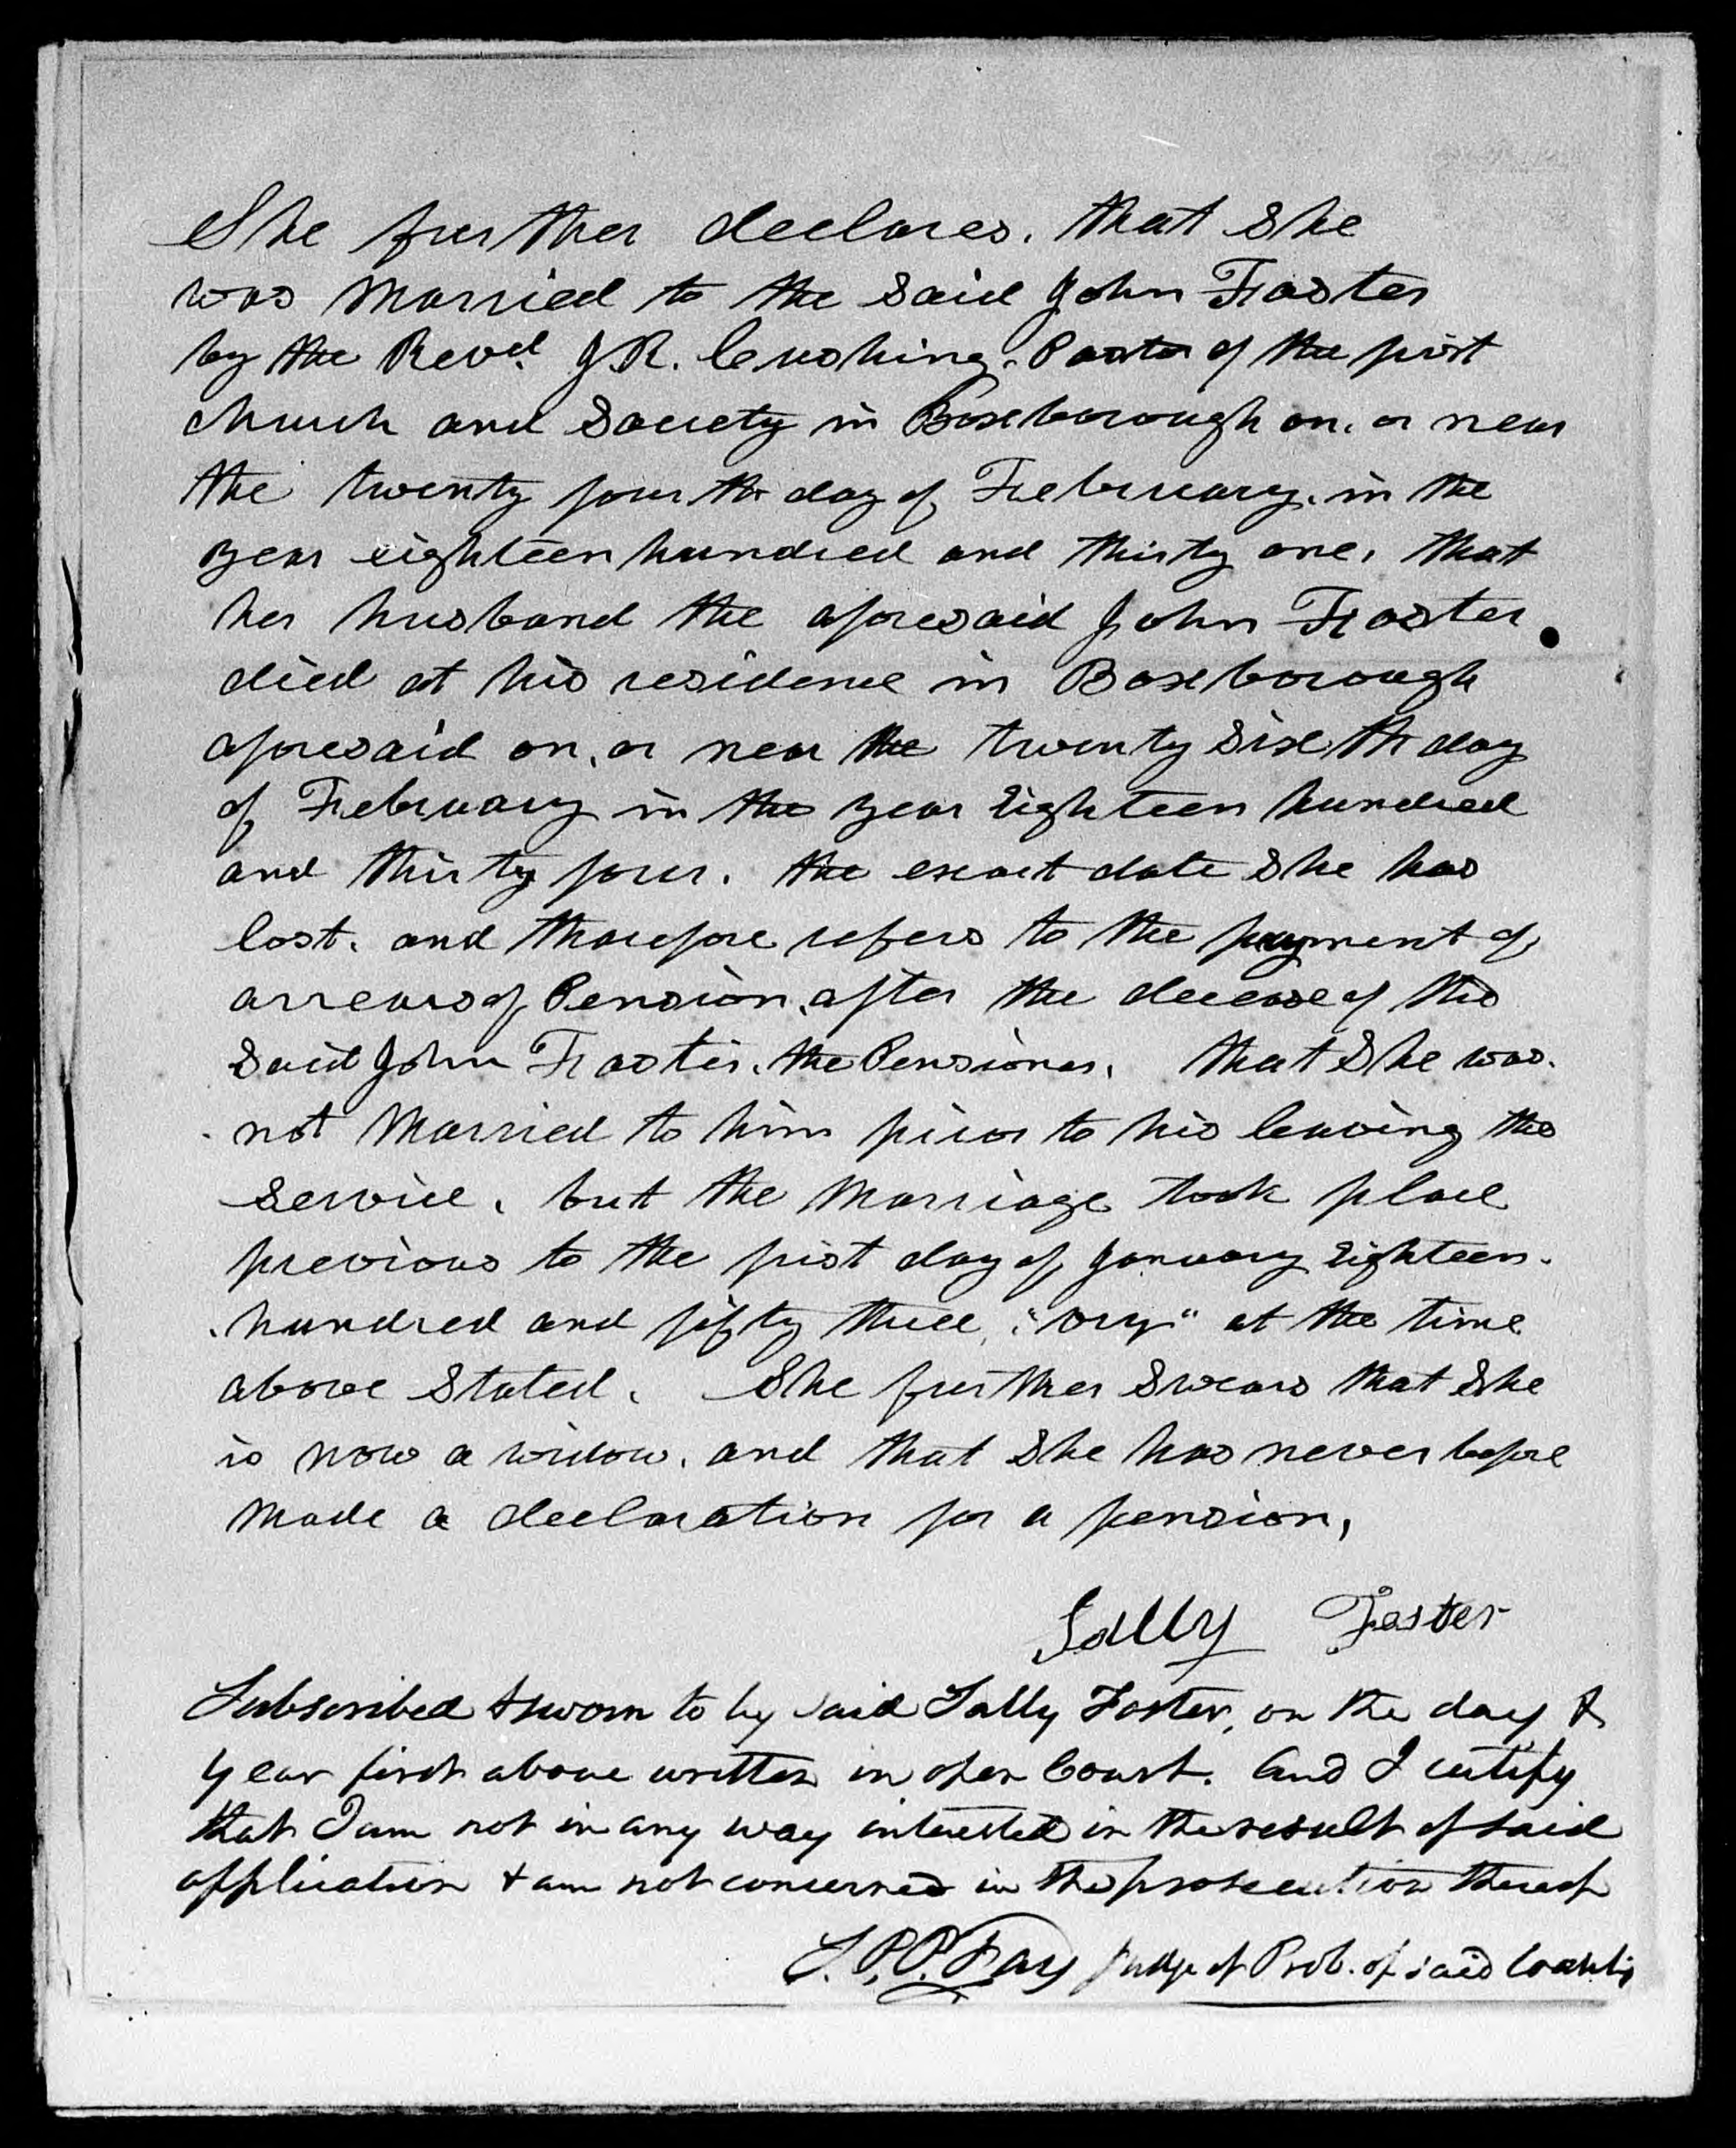She further declares that she was married to the said John Foster by the Revd. J. R. Cushing Pastor of the first Church and Society in Boxborough on or near the twenty fourth day of February, in the year eighteen hundred and thirty one, that her husband the aforesaid John Foster died at his residence in Boxborough aforesaid on or near the twenty sixth day of February in the year eighteen hundred and thirty four.  the exact date she has lost, and therefore refers to the payment of arrears of Pension after the decease of the said John Foster, the Pensioner.  that she was not married to him prior to his leaving the service, but the marriage took place previous to the first day of January eighteen hundred and fifty three
"ory" at the time above stated.  She further swears that she is now a widow, and that she has never before made a declaration for a pension,
Sally Foster
Subscribed & sworn to by said Sally Foster, on the day & year first above written in open Court. And I certify that I am not in any way interested in the result of said application & am not concerned in the prosecution thereof
S. P. P. Fay Judge of Prob. of said County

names: Sally Foster, John Foster, John Foster, J R Cushing, Sally Foster, S P P Fay, John Foster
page: 12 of 47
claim: widow's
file: W. 7,302, John Foster, Continental Mass. R.I.